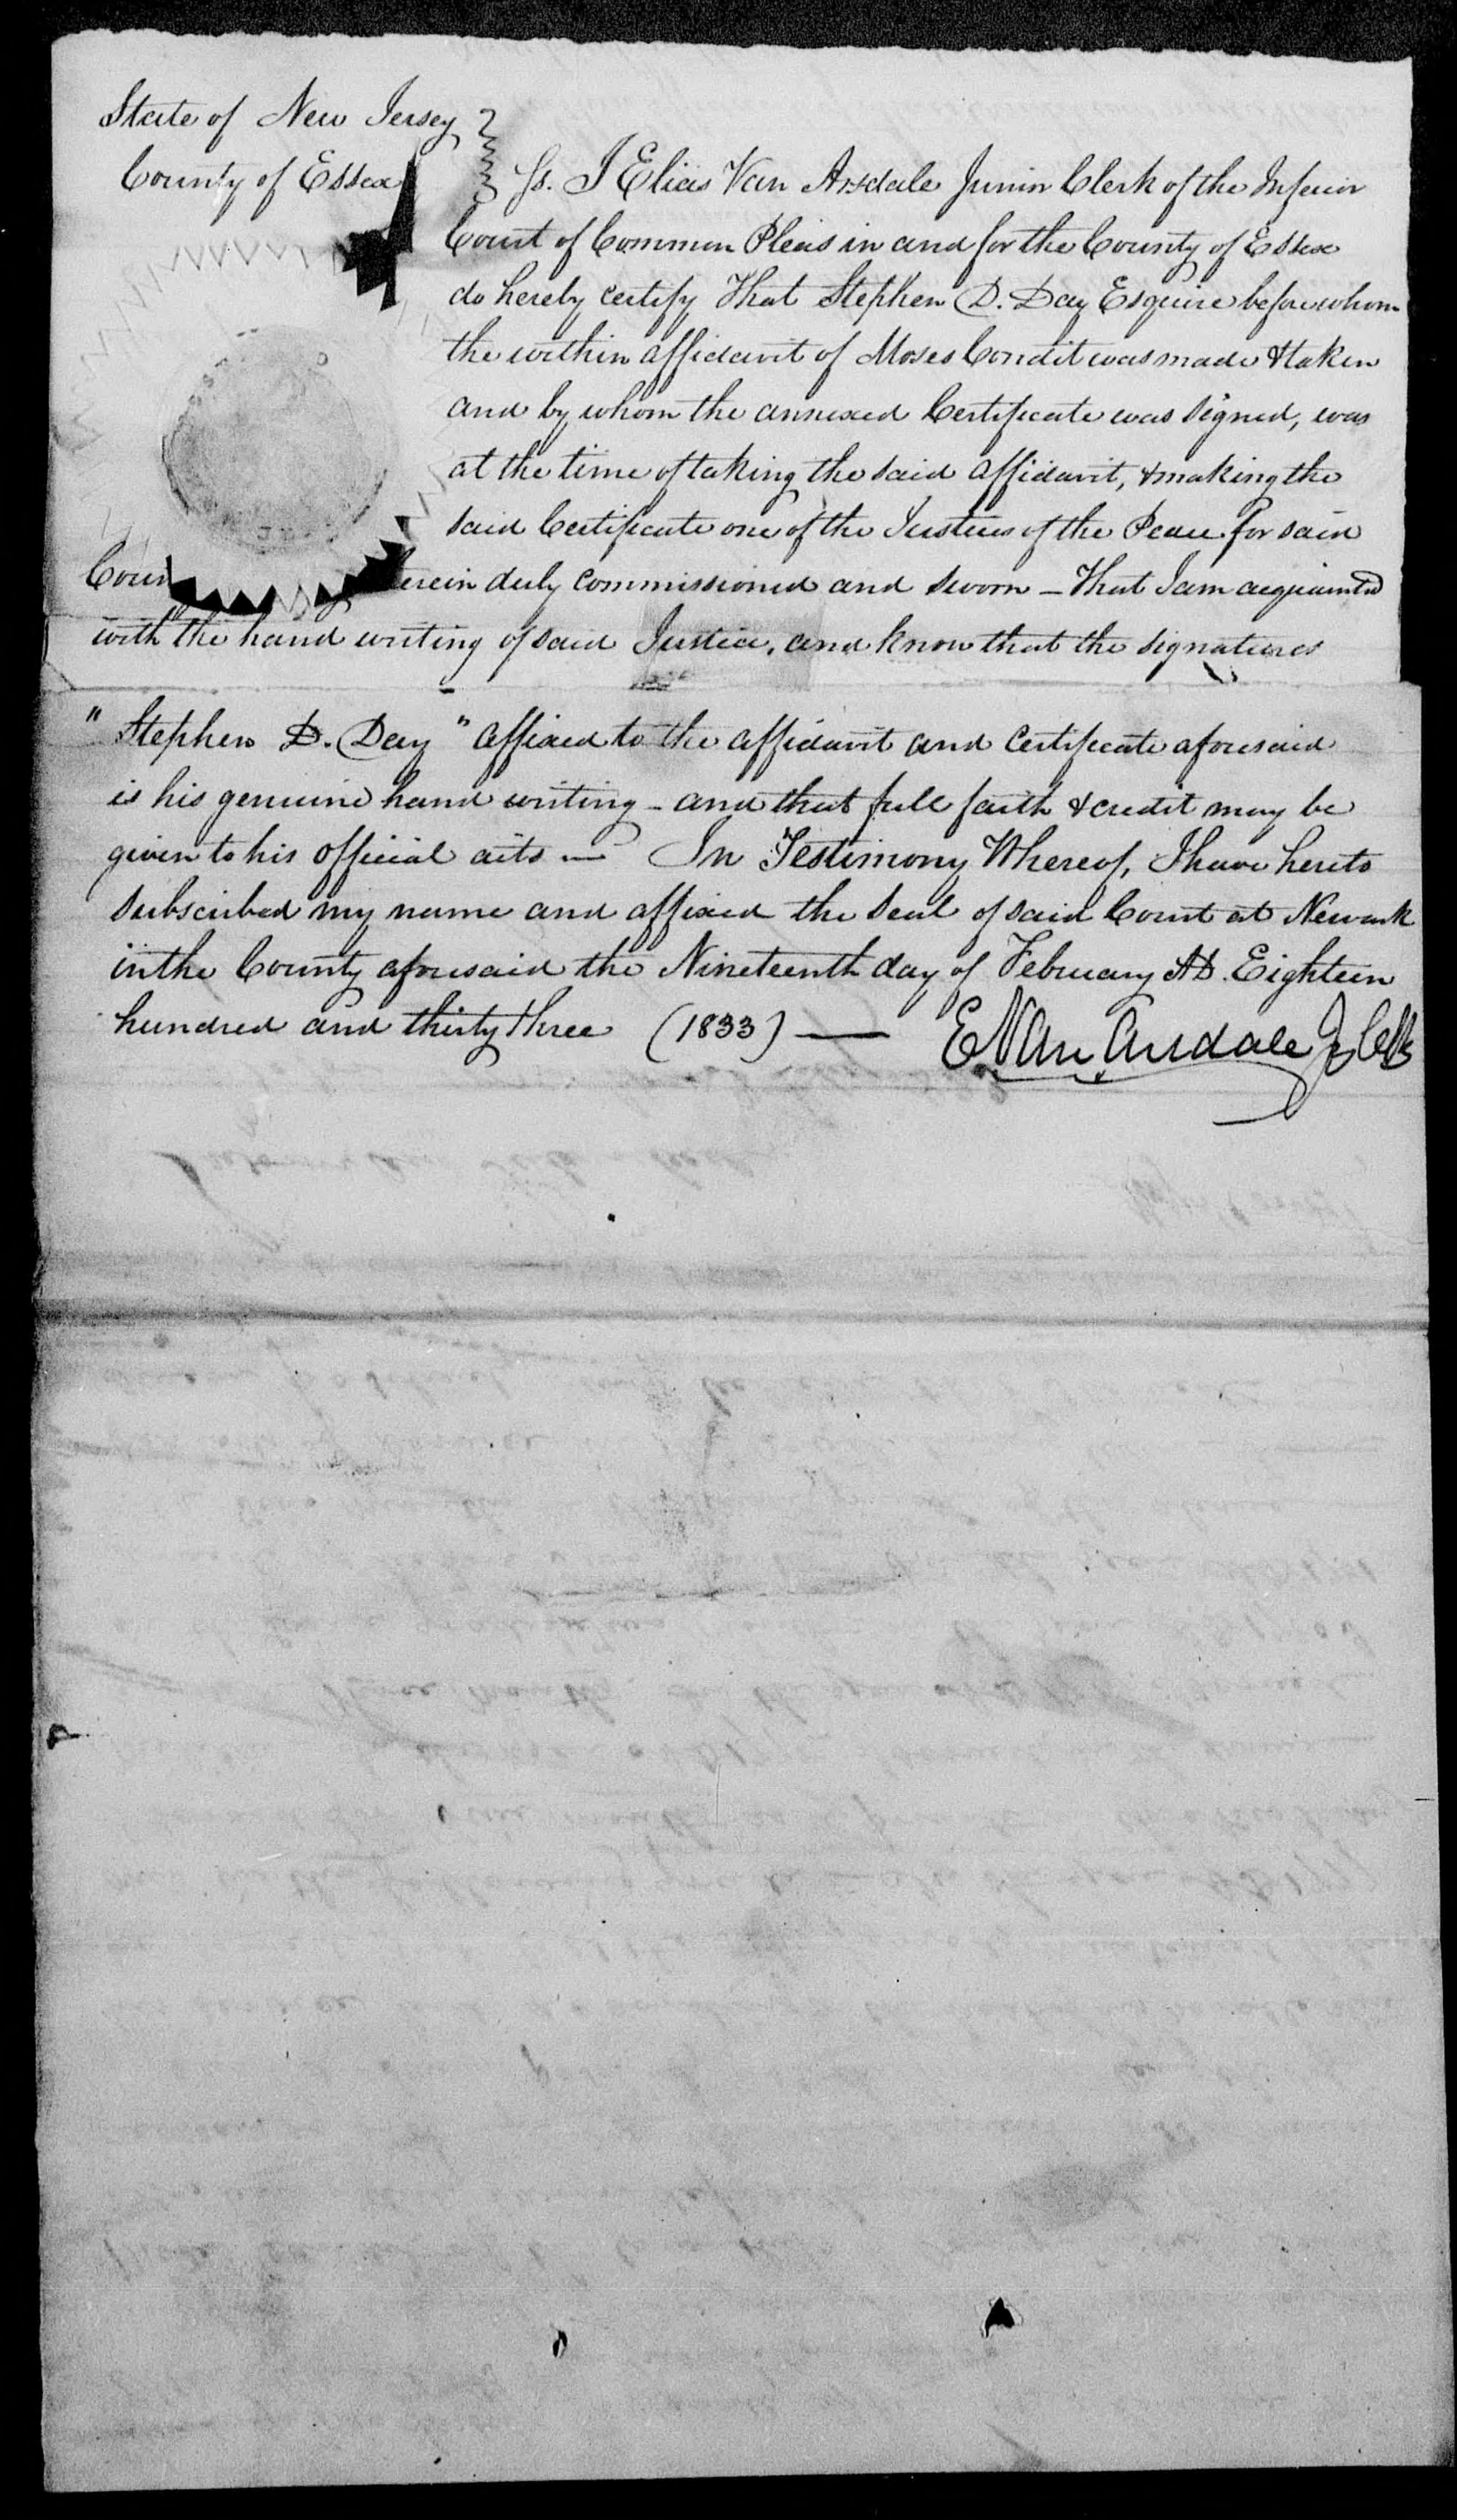[Handwritten]

State of New Jersey
County of Essex     Ss.

[To the left of the writing is a seal, with part of a ribbon pointing upward.]

I Elias Van Arsdale Junior Clerk of the Inferior
Court of Common Pleas in and for the County of Essex
do hereby certify That Stephen D. Day Esquire before whom
the within affidavit of Moses Condit was made & taken
and by whom the annexed Certificate was signed, was
at the time of taking the said affidavit, & making the
said Certificate one of the Justices of the Peace for said
Coun [The next few words are hidden by the affixed seal.] erein duly commissioned and sworn - That I am acquainted
with the hand writing of said Justice, and know that the signatures
"Stephen D. Day" affixed to the affidavit and Certificate aforesaid
is his genuine hand writing - and that full faith & credit may be
given to his official acts -- In Testimony Whereof, I have hereto
subscribed my name and affixed the Seal of said Court at Newark
in the County aforesaid the Nineteenth day of February AD. Eighteen
hundred and thirty three (1833) ---
E Van Arsdale Jr Clk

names: E Van Arsdale, Stephen D Day, Elias Van Arsdale, Moses Condit, Stephen D Day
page: 23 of 23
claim: survivor's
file: S. 3212, Moses Condit, New Jersey